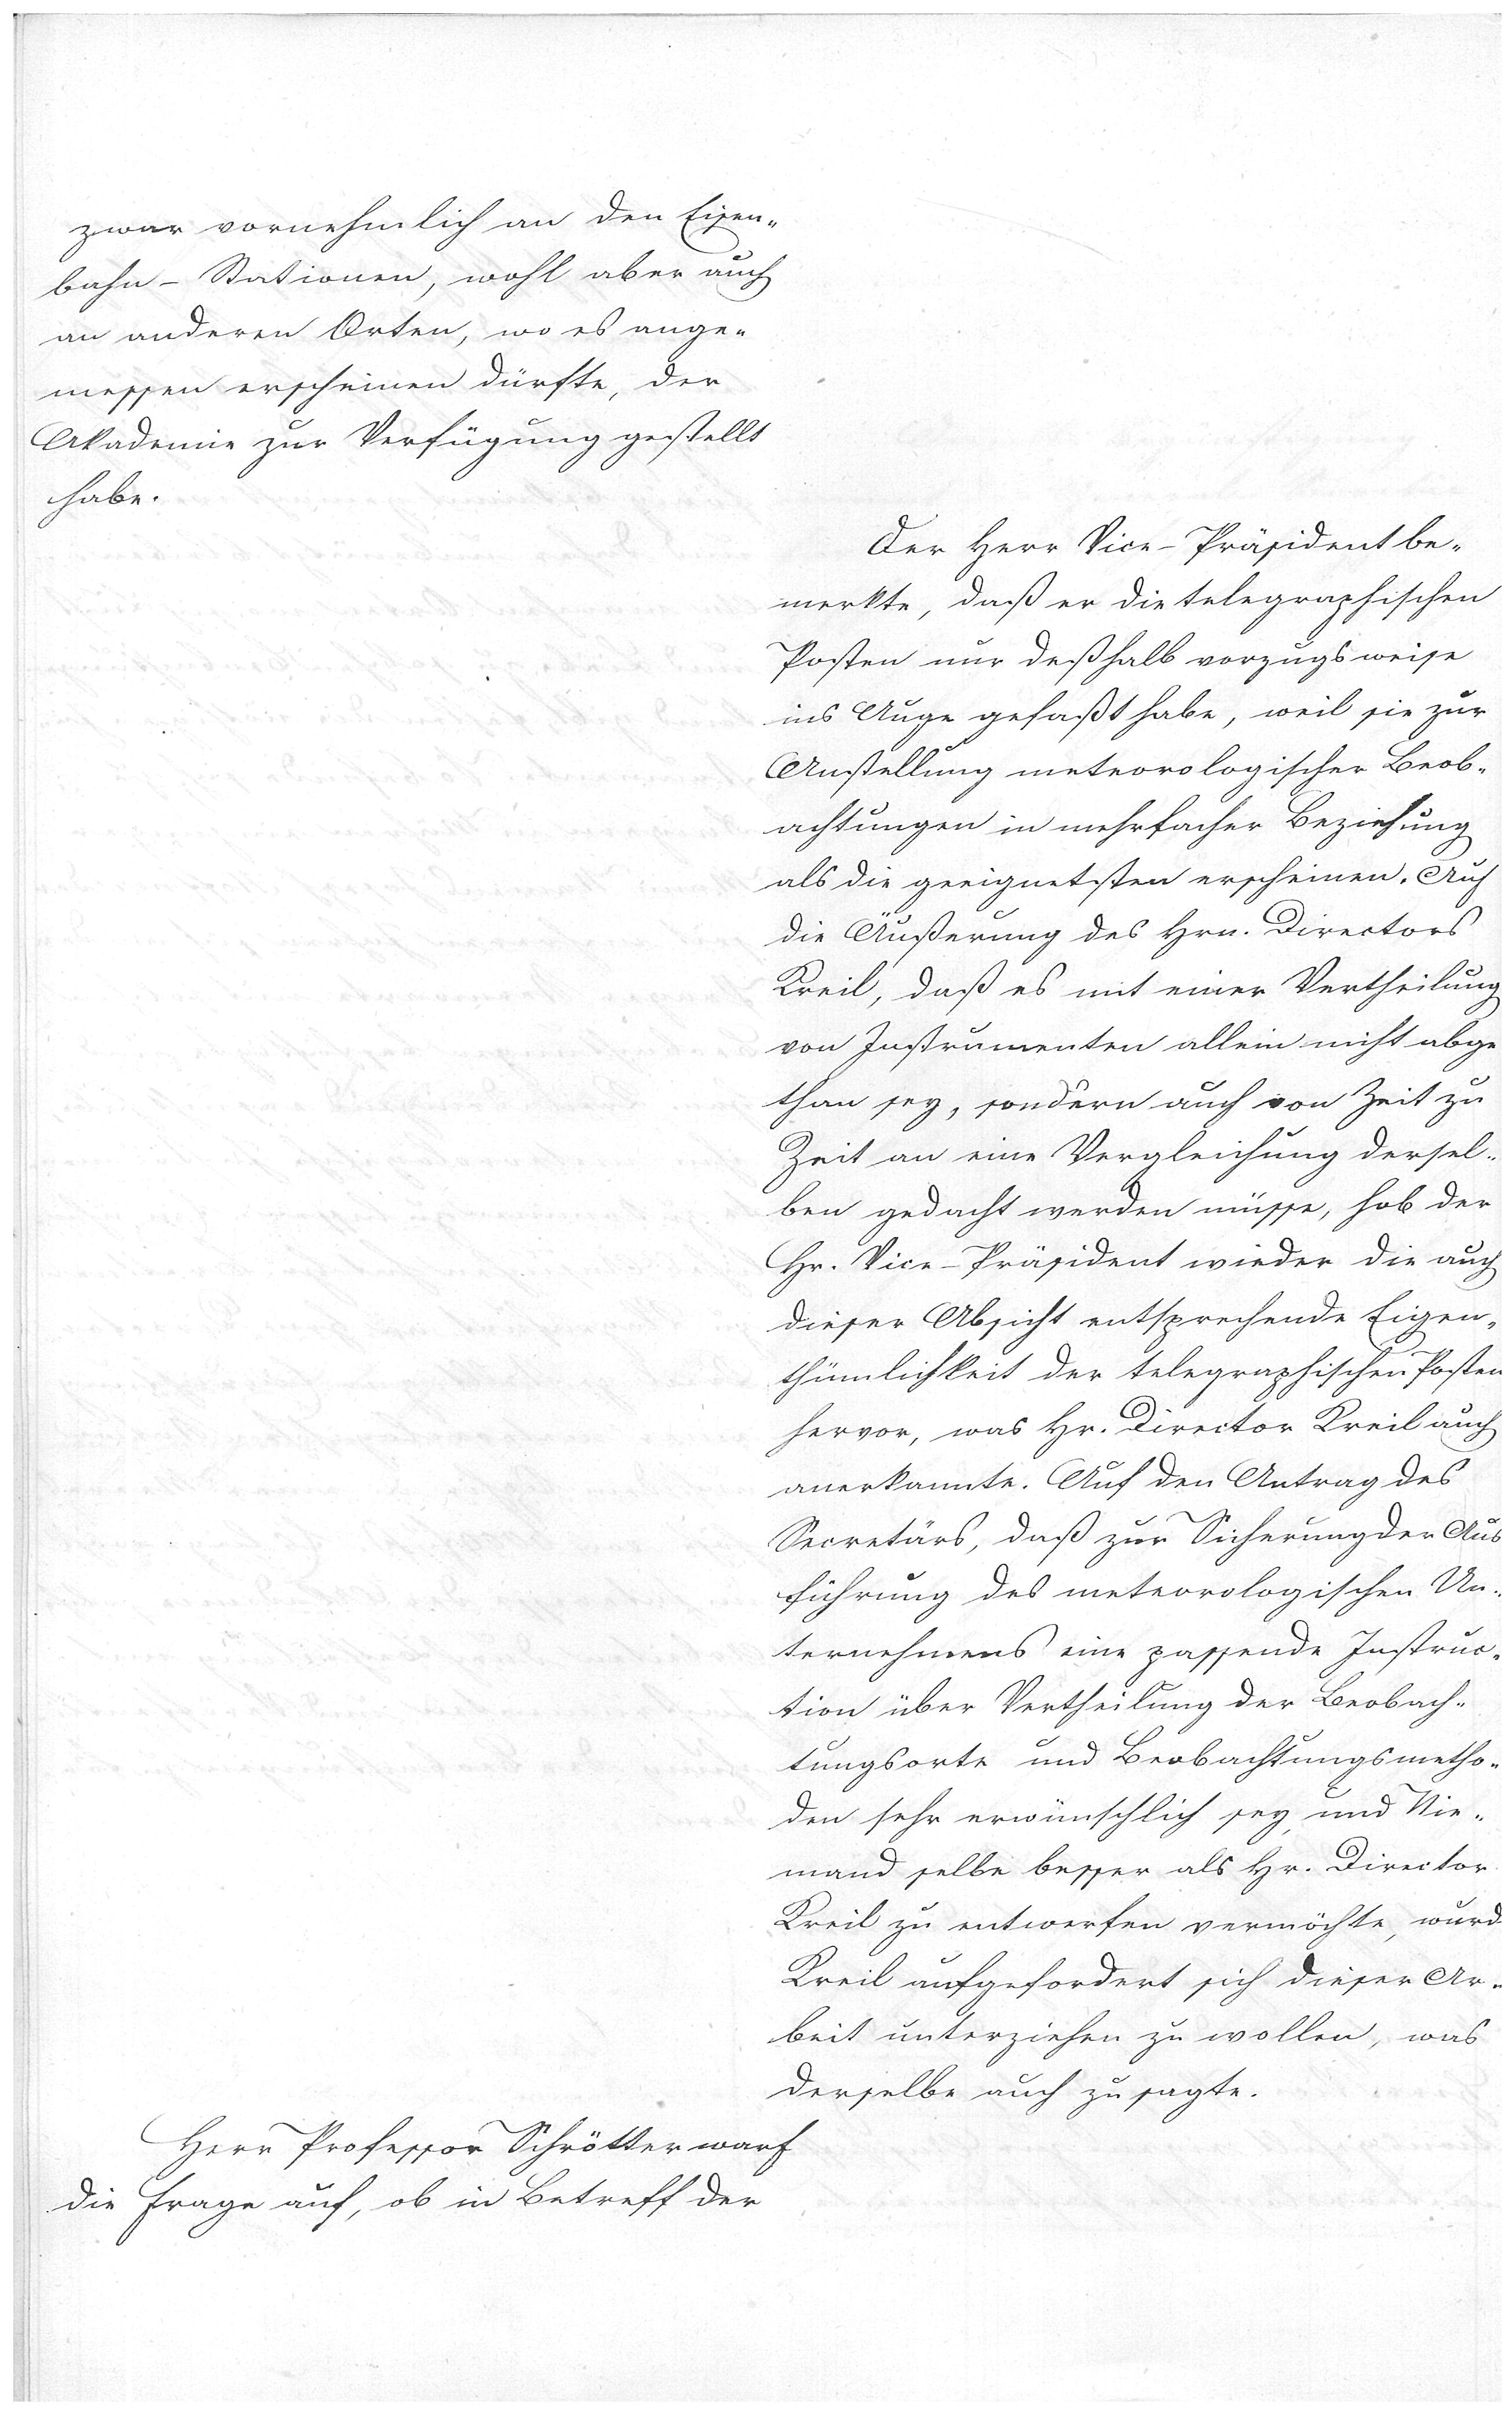zwar vornehmlich an den Eisen-
bahn-Stationen, wohl aber auch
an anderen Orten, wo es ange-
messen erscheinen dürfte, der
Akademie zur Verfügung gestellt
habe.
Der Herr Vice-Präsident be-
merkt, daß er die telegraphischen
Posten nur deßhalb vorzugsweise
in Auge gefaßt habe, weil sie zur
Anstellung meteorologischer Beob-
achtungen in mehrfacher Beziehung
als die geignetsten erscheinen. Auf
die Äußerung des Hrn. Directors
Kreil, daß es mit einer Vertheilung
von Inftrumenten allein nicht abge-
than sey, sondern auch von Zeit zu
Zeit an eine Vergleichung dersel-
ben gedacht werden müsse, hob der
Hr. Vice-Präsident wieder die auch
dieser Absicht entsprechende Eigen-
thümlichkeit der telegraphischen Posten
hervor, was Hr. Director Kreil auch
anerkannte. Auf der Antrag des
Secretärs, daß zur Sicherung der Aus-
führung des meteorologischen Un-
ternehmens eine passende Instruc-
tion über Vertheilung der Beobach-
tungsorte und Beobachtungsmetho-
den sehr erwünschlich sey und Nie-
mand selbe besser als Hr. Director
Kreil zu entwerfen vermöchte, wurde
Kreil aufgefordert sich dieser Ar-
beit unterziehen zu wollen, was
derselbe auch zusagte.
Herr Professor Schrötter warf
die Frage auf, ob in Betreff der